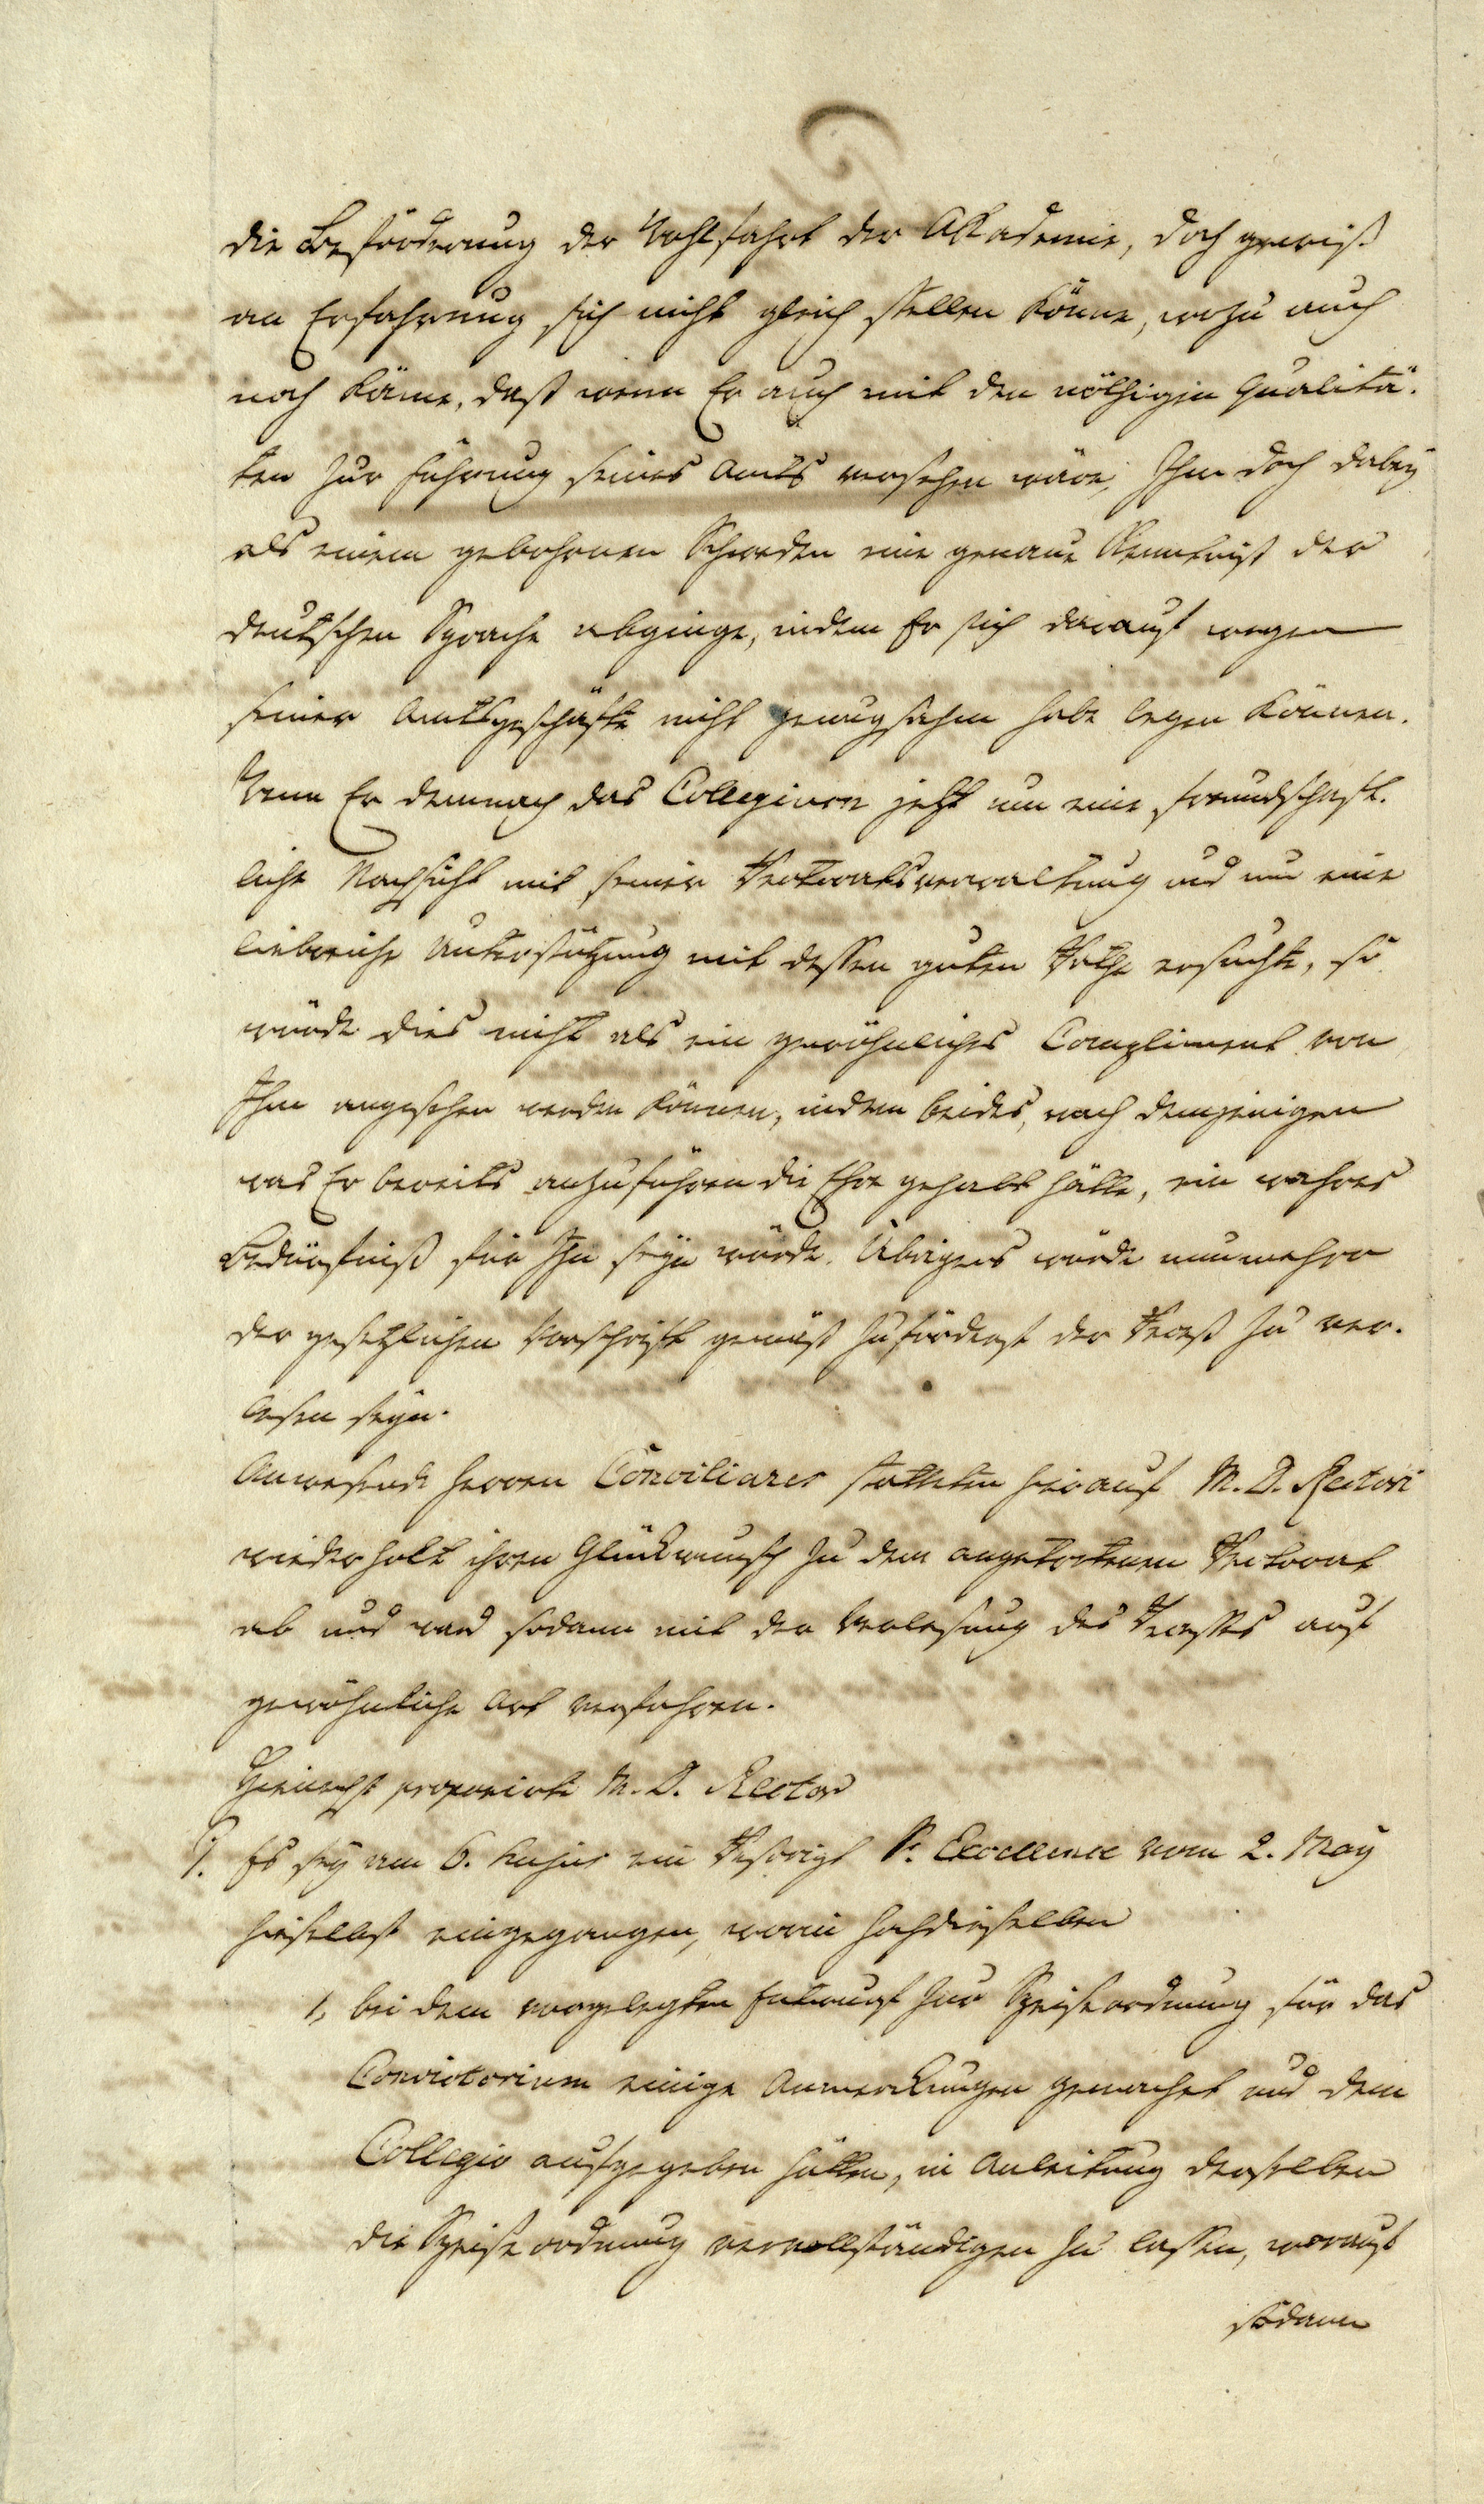die Beförderung der Wohlfahrt der Akademie, doch gewiß
an Erfahrung sich nicht gleich stellen könne, wozu auch
noch käme, daß wenn Er auch mit den nöthigen Qualitä¬
ten zur Führung seines Amts versehen wäre, Ihm doch dabeÿ
als einem gebohrnen Schweden eine genaue Kenntniß der
deutschen Sprache abginge, indem Er sich darauf wegen
seiner Amtsgeschäfte nicht genugsahm habe legen können.
Wenn Er demnach das Collegium jetzt um eine freundschaft¬
liche Nachsicht mit seiner Rectoratsverwaltung und um eine
liebreiche Unterstützung mit dessem guten Rathe ersuchte, so
würde dies nicht als ein gewöhnliches Compliment von
Ihm angesehen werden können, indem beides, nach demjenigen
was Er bereits anzuführen die Ehre gehabt hätte, ein wahres
Bedürfniß für Ihn seÿn würde. Übrigens würde nunmehro
der gesetzlichen Vorschrift gemäß zuförderst der Receß zu ver¬
lesen seÿn.
Anwesende Herren Conciliares statteten hierauf M. D. Rectori
wiederholt ihren Glückwunsch zu dem angetretenen Rectorat
ab und ward sodann mit der Verlesung des Recesses auf
gewöhnliche Art verfahren.
Hienechst proponirte M. D. Rector
1. Es seÿ am 6. hujus ein Rescript Sr Excellence vom 2. Maÿ
hieselbst eingegangen, worin Hochdieselben
1, bei dem vorgelegten Entwurf zur Speiseordnung für das
Convictorium einige Anmerckungen gemachet und dem
Collegio aufgegeben hätten, in Anleitung derselben
die Speiseordnung vervollständigen zu lassen, worauf
sodann